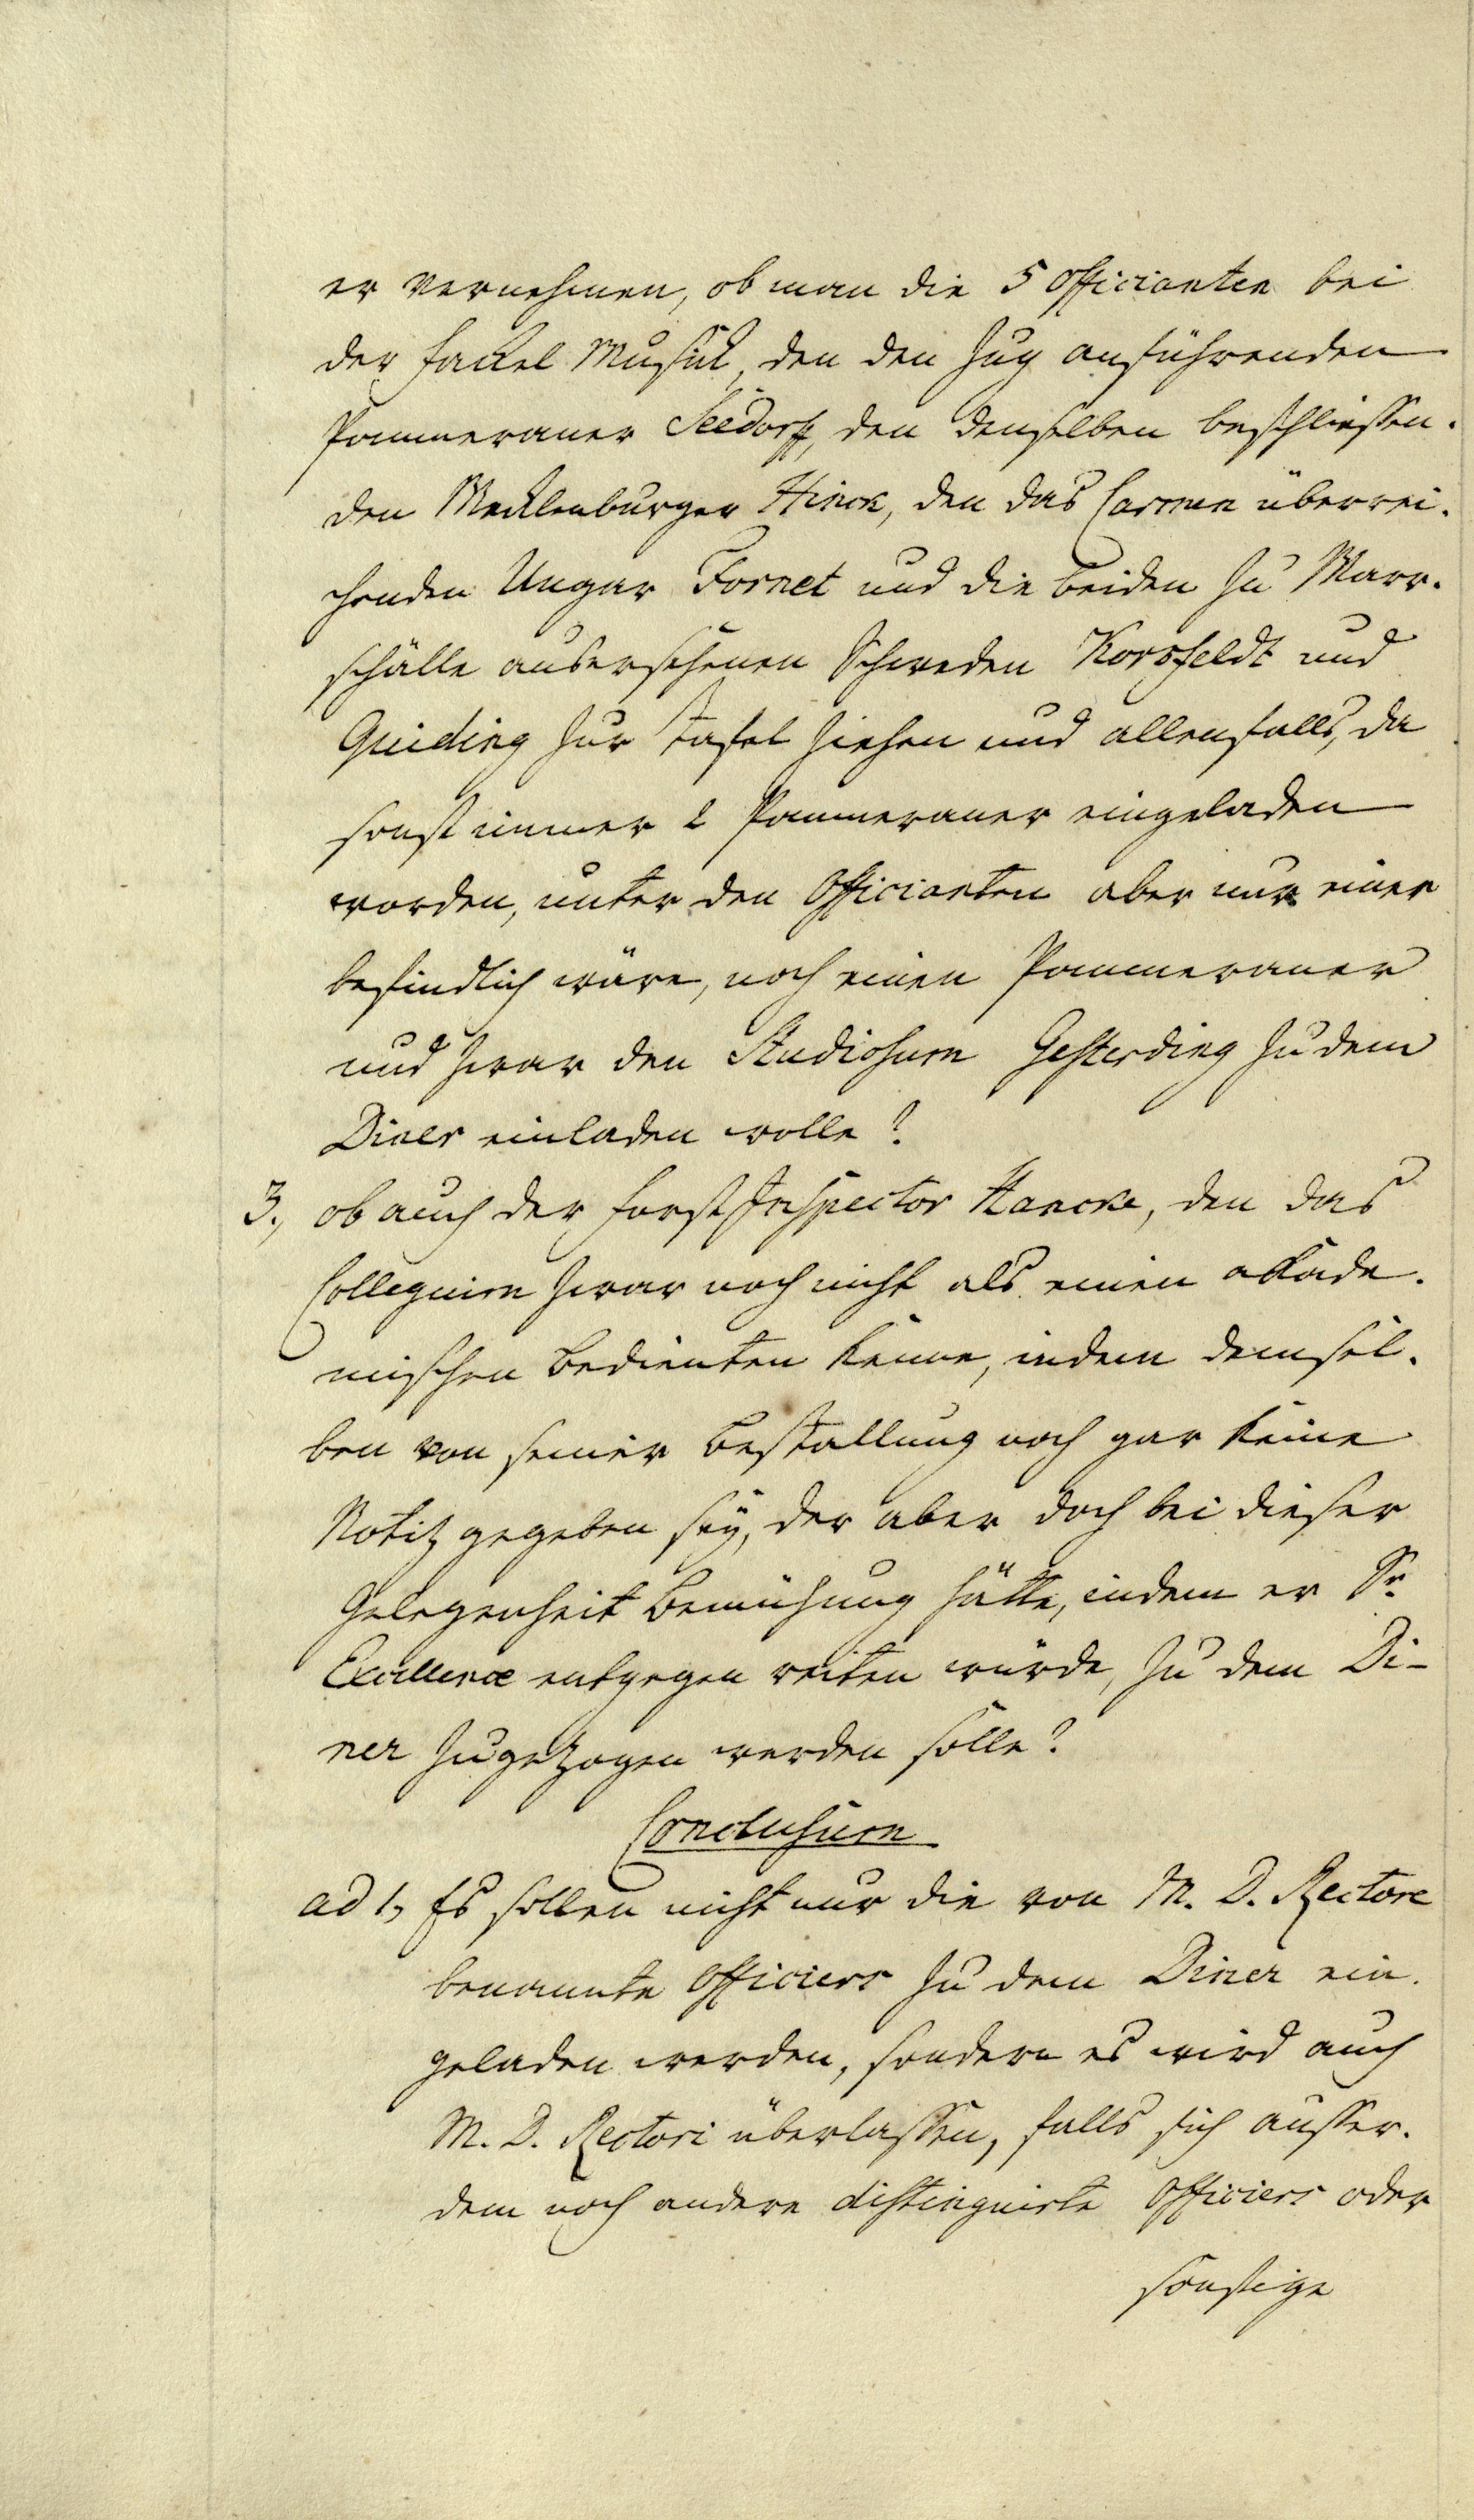er vernehmen, ob man die 5 Officianten bei
der Fackel Musick, den den Zug anführenden
Pommeraner Seedorff, den denselben beschliessen¬
den Mecklenburger Hinck, den das Carmen überrei¬
chenden Ungar Fornet und die beiden zu Marr¬
schälle ausersehenen Schweden Korsfeldt und
Quiding zur Tafel ziehen und allenfalls, da
sonst immer 2 Pommeraner eingeladen
worden, unter den Officianten aber nur einer
befindlich wäre, noch einen Pommeraner
und zwar den Studiosum Gesterding zu dem
Diner einladen wolle ?
3., ob auch der ForstInspector Hancke, den das
Collegium zwar noch nicht als einen akade¬
mischen Bedienten kenne, indem demsel¬
ben von seiner Bestallung noch gar keine
Notiz gegeben seÿ, der aber doch bei dieser
Gelegenheit Bemühung hätte, indem er Sr.
Excellence entgegen reiten würde, zu dem Di¬
ner zugezogen werden solle?
Conclusum
ad 1., Es sollen nicht nur die von M. D. Rectore
benannte Officiers zu dem Diner ein¬
geladen werden, sondern es wird auch
M. D. Rectori überlassen, falls sich ausser¬
dem noch andere distinguirte Officiers oder
sonstige